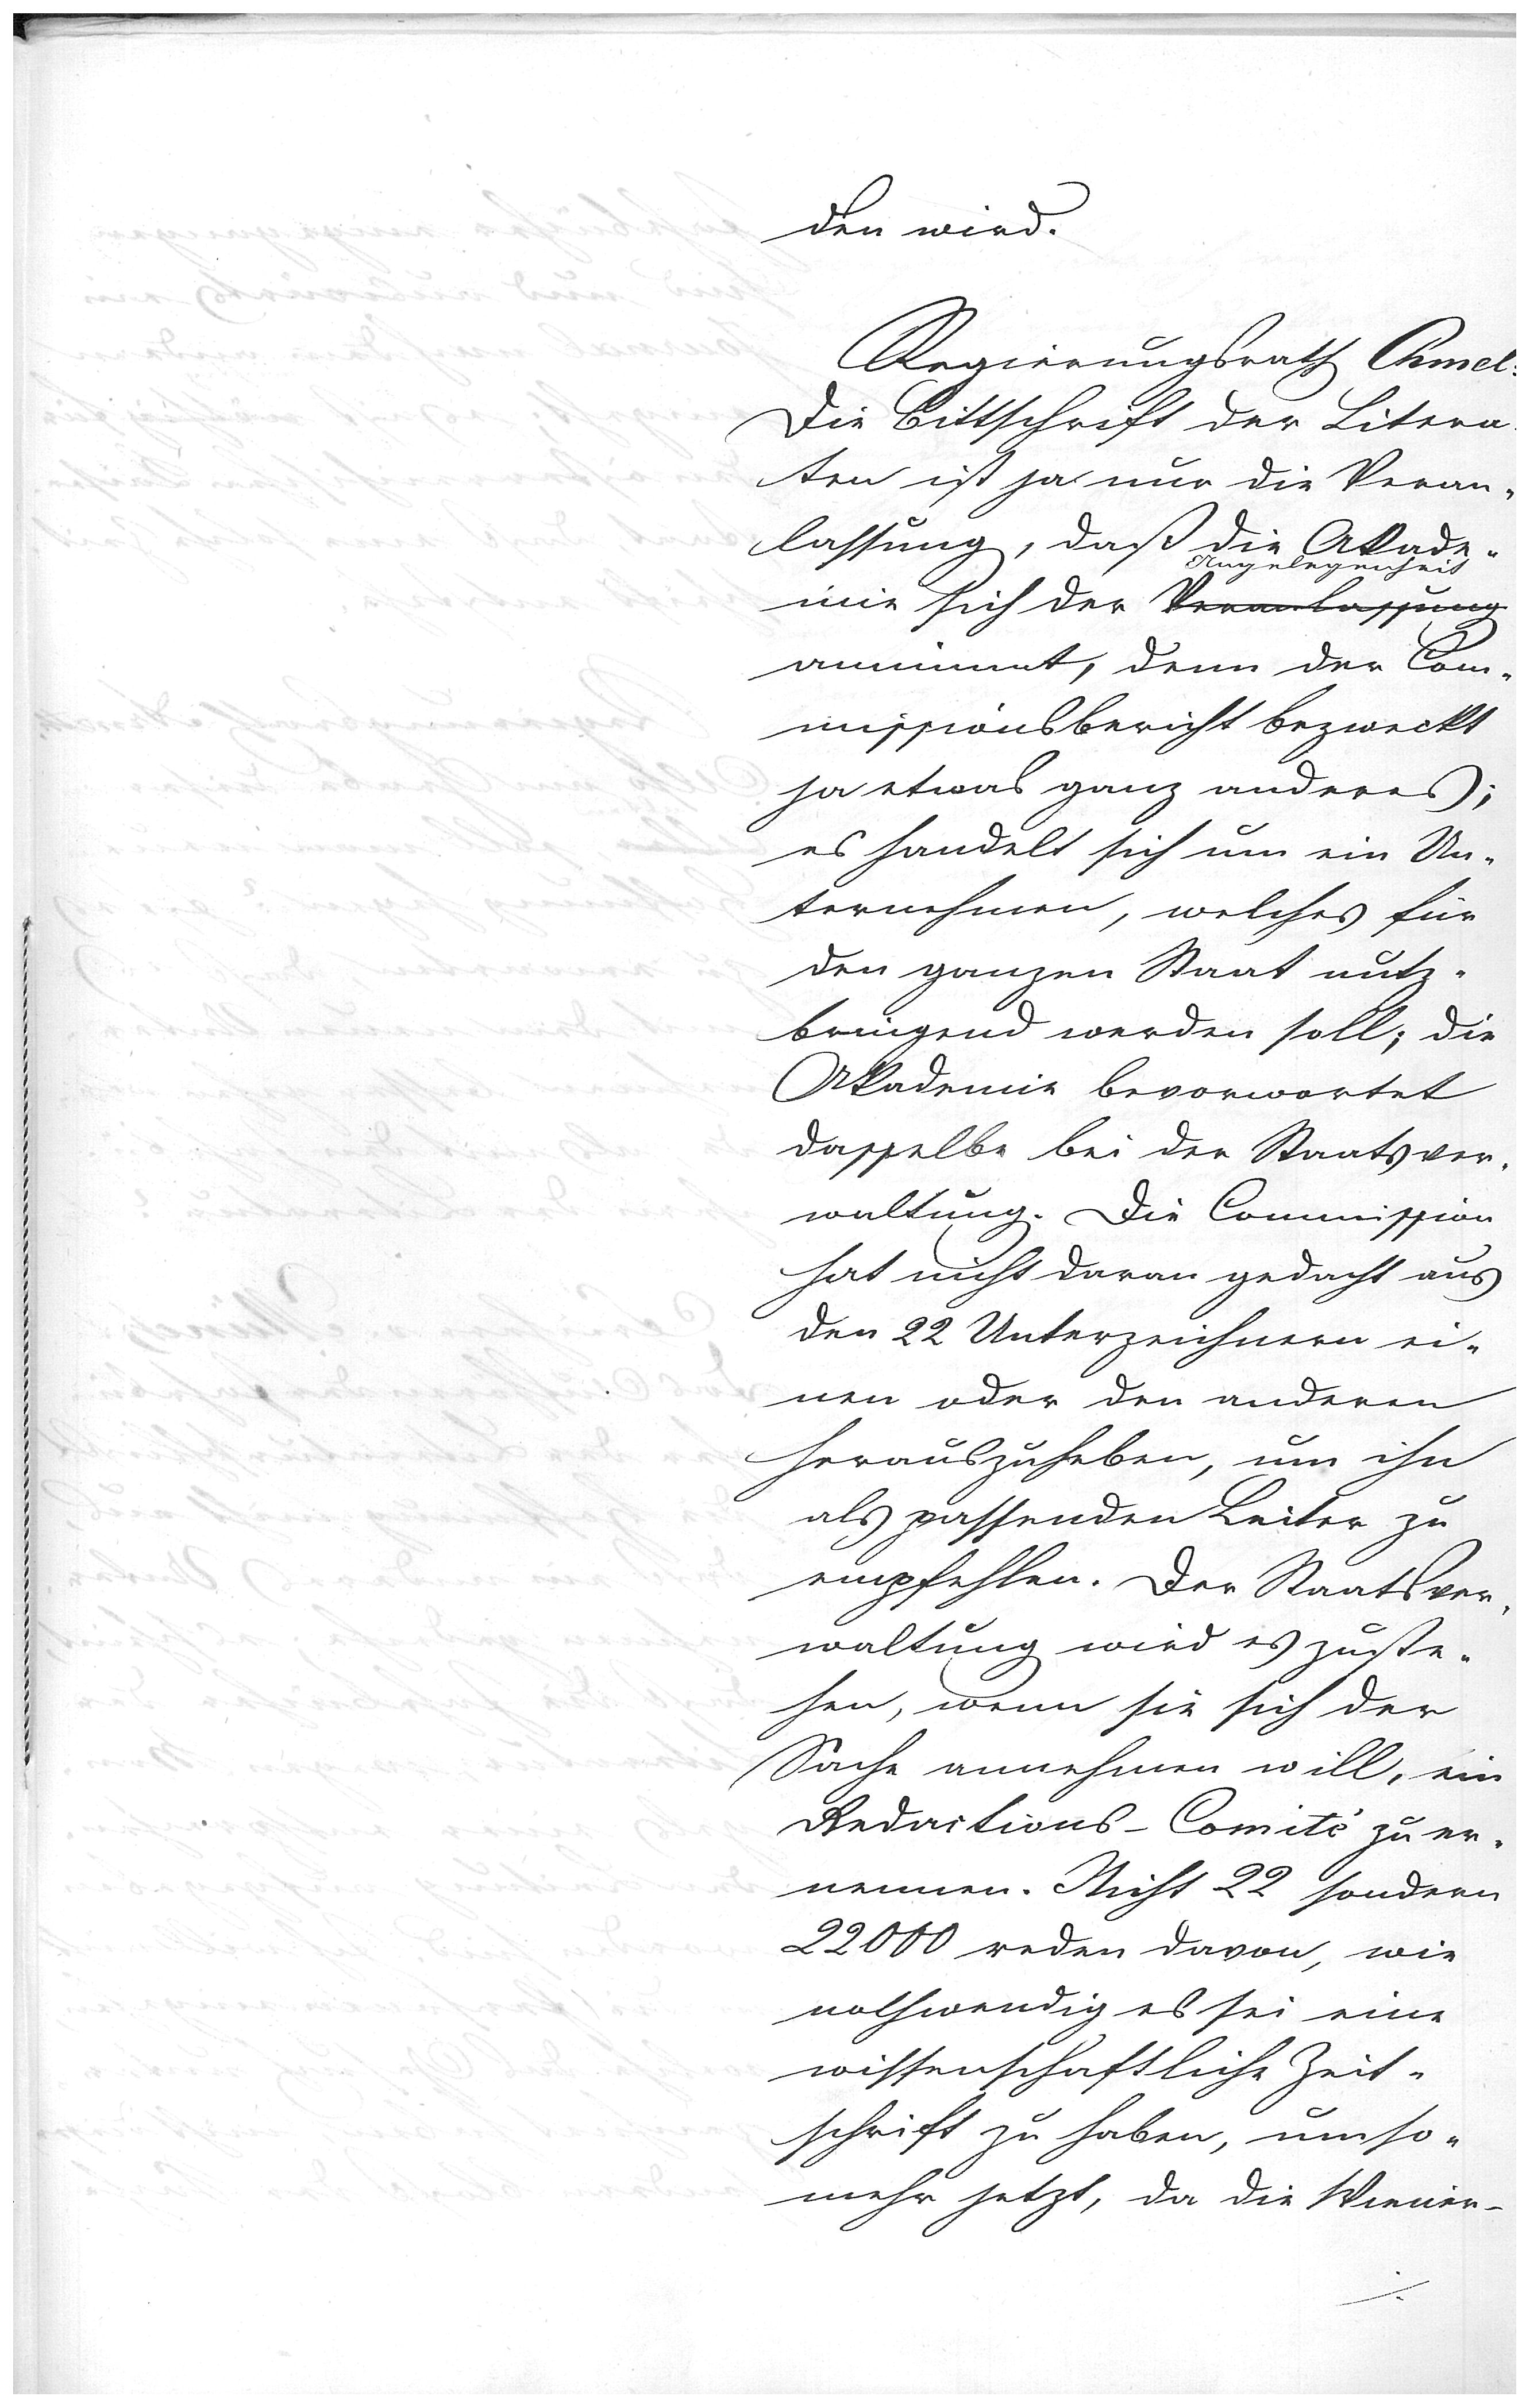den wird.
Regierungsrath Chmel:
Die Bittschrift der Litera-
ten ist ja nur die Veran-
lassung, daß die Akade-
Angelegenheit
mie sich der Veranlassung
erinnert, denn der Com-
missionsbericht bezweckt
ja etwas ganz anderen;
es handelt sich um ein Un-
ternehmen, welches für
den ganzen Staat nutz-
bringend werden soll; die
Akademie bevorwortet
dasselbe bei der Staatsver-
waltung. Die Commission
hat nicht daran gedacht aus
den 22 Unterzeichnern ei-
nen andere den anderen
herauszuheben, um ihn
als passenden Leiter zu
empfehlen. Der Staatsver-
waltung wird es zuste-
hen, wenn sie sich der
Sache annehmen will, ein
Redaction-Comité zu er-
nennen. Nicht 22 sondern
22000 reden davon, wie
nothwendig es sei eine
wissenschaftliche Zeit-
schrift zu haben, umso-
mehr jetzt, da die Wiener